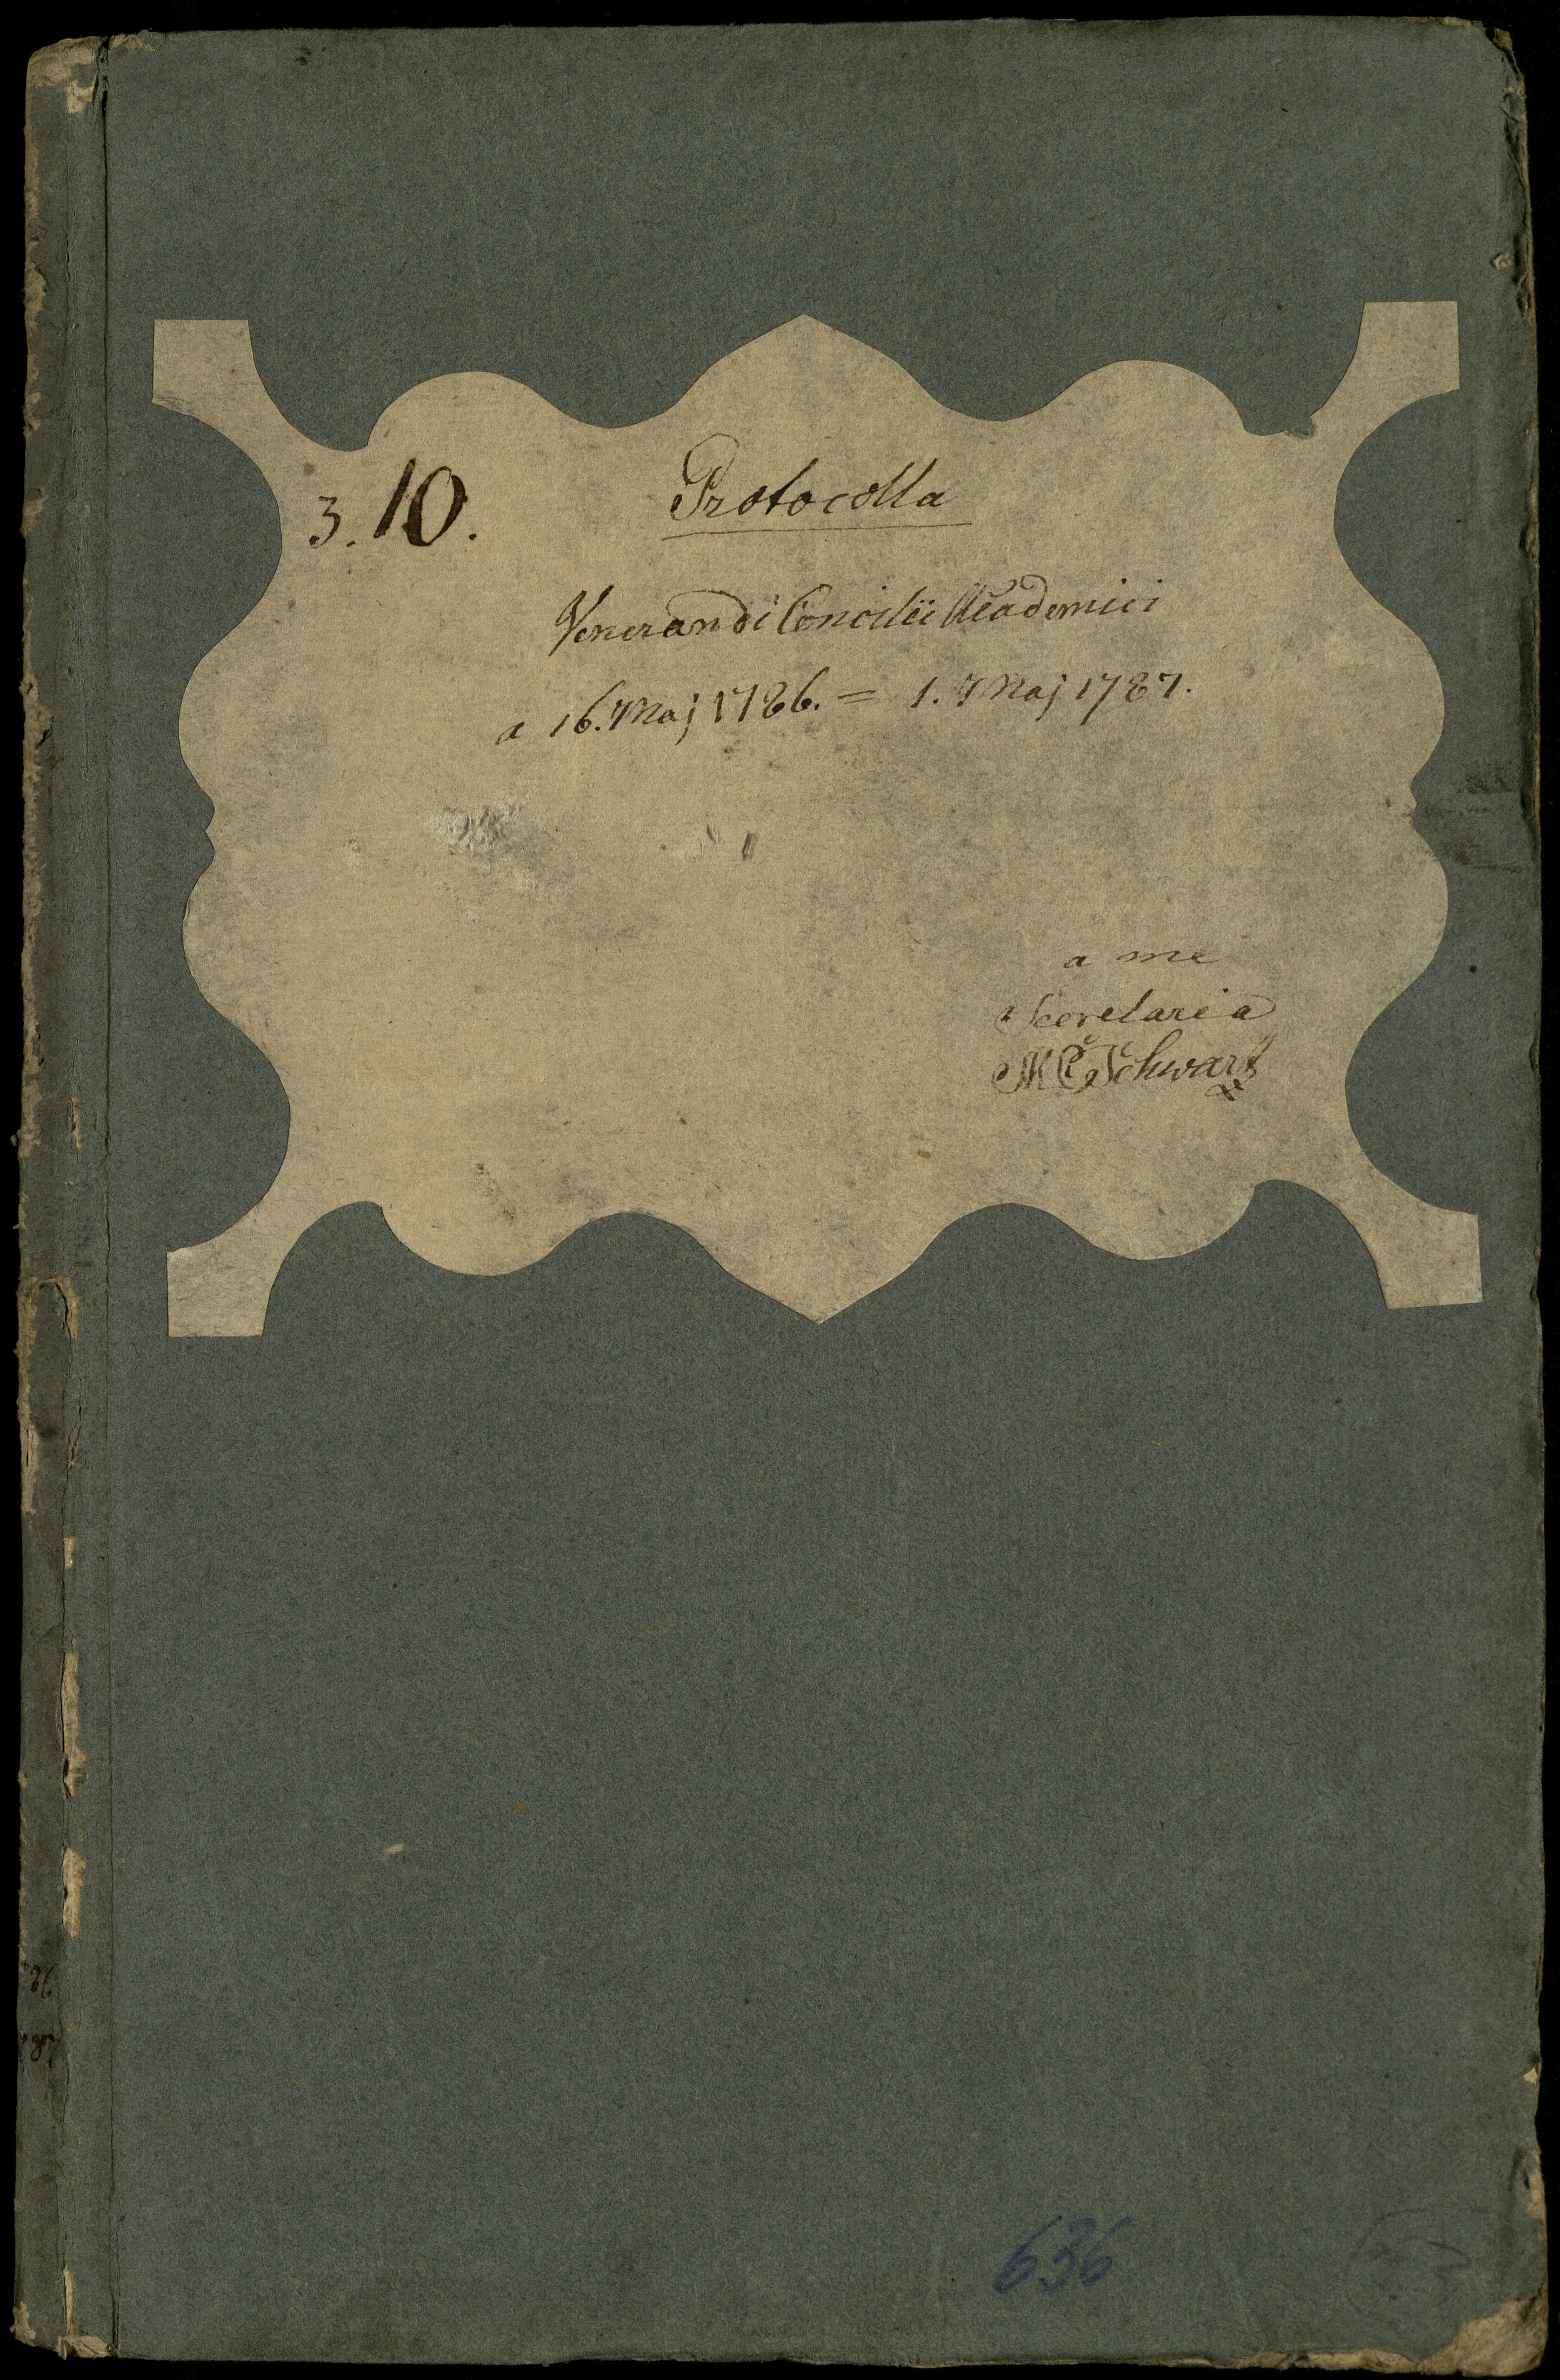Protocolla
Venerandi Concilii Academici
a 16. Maj 1786. -1. Maj 1787.
a me
Secretaria
M. C Schwartz